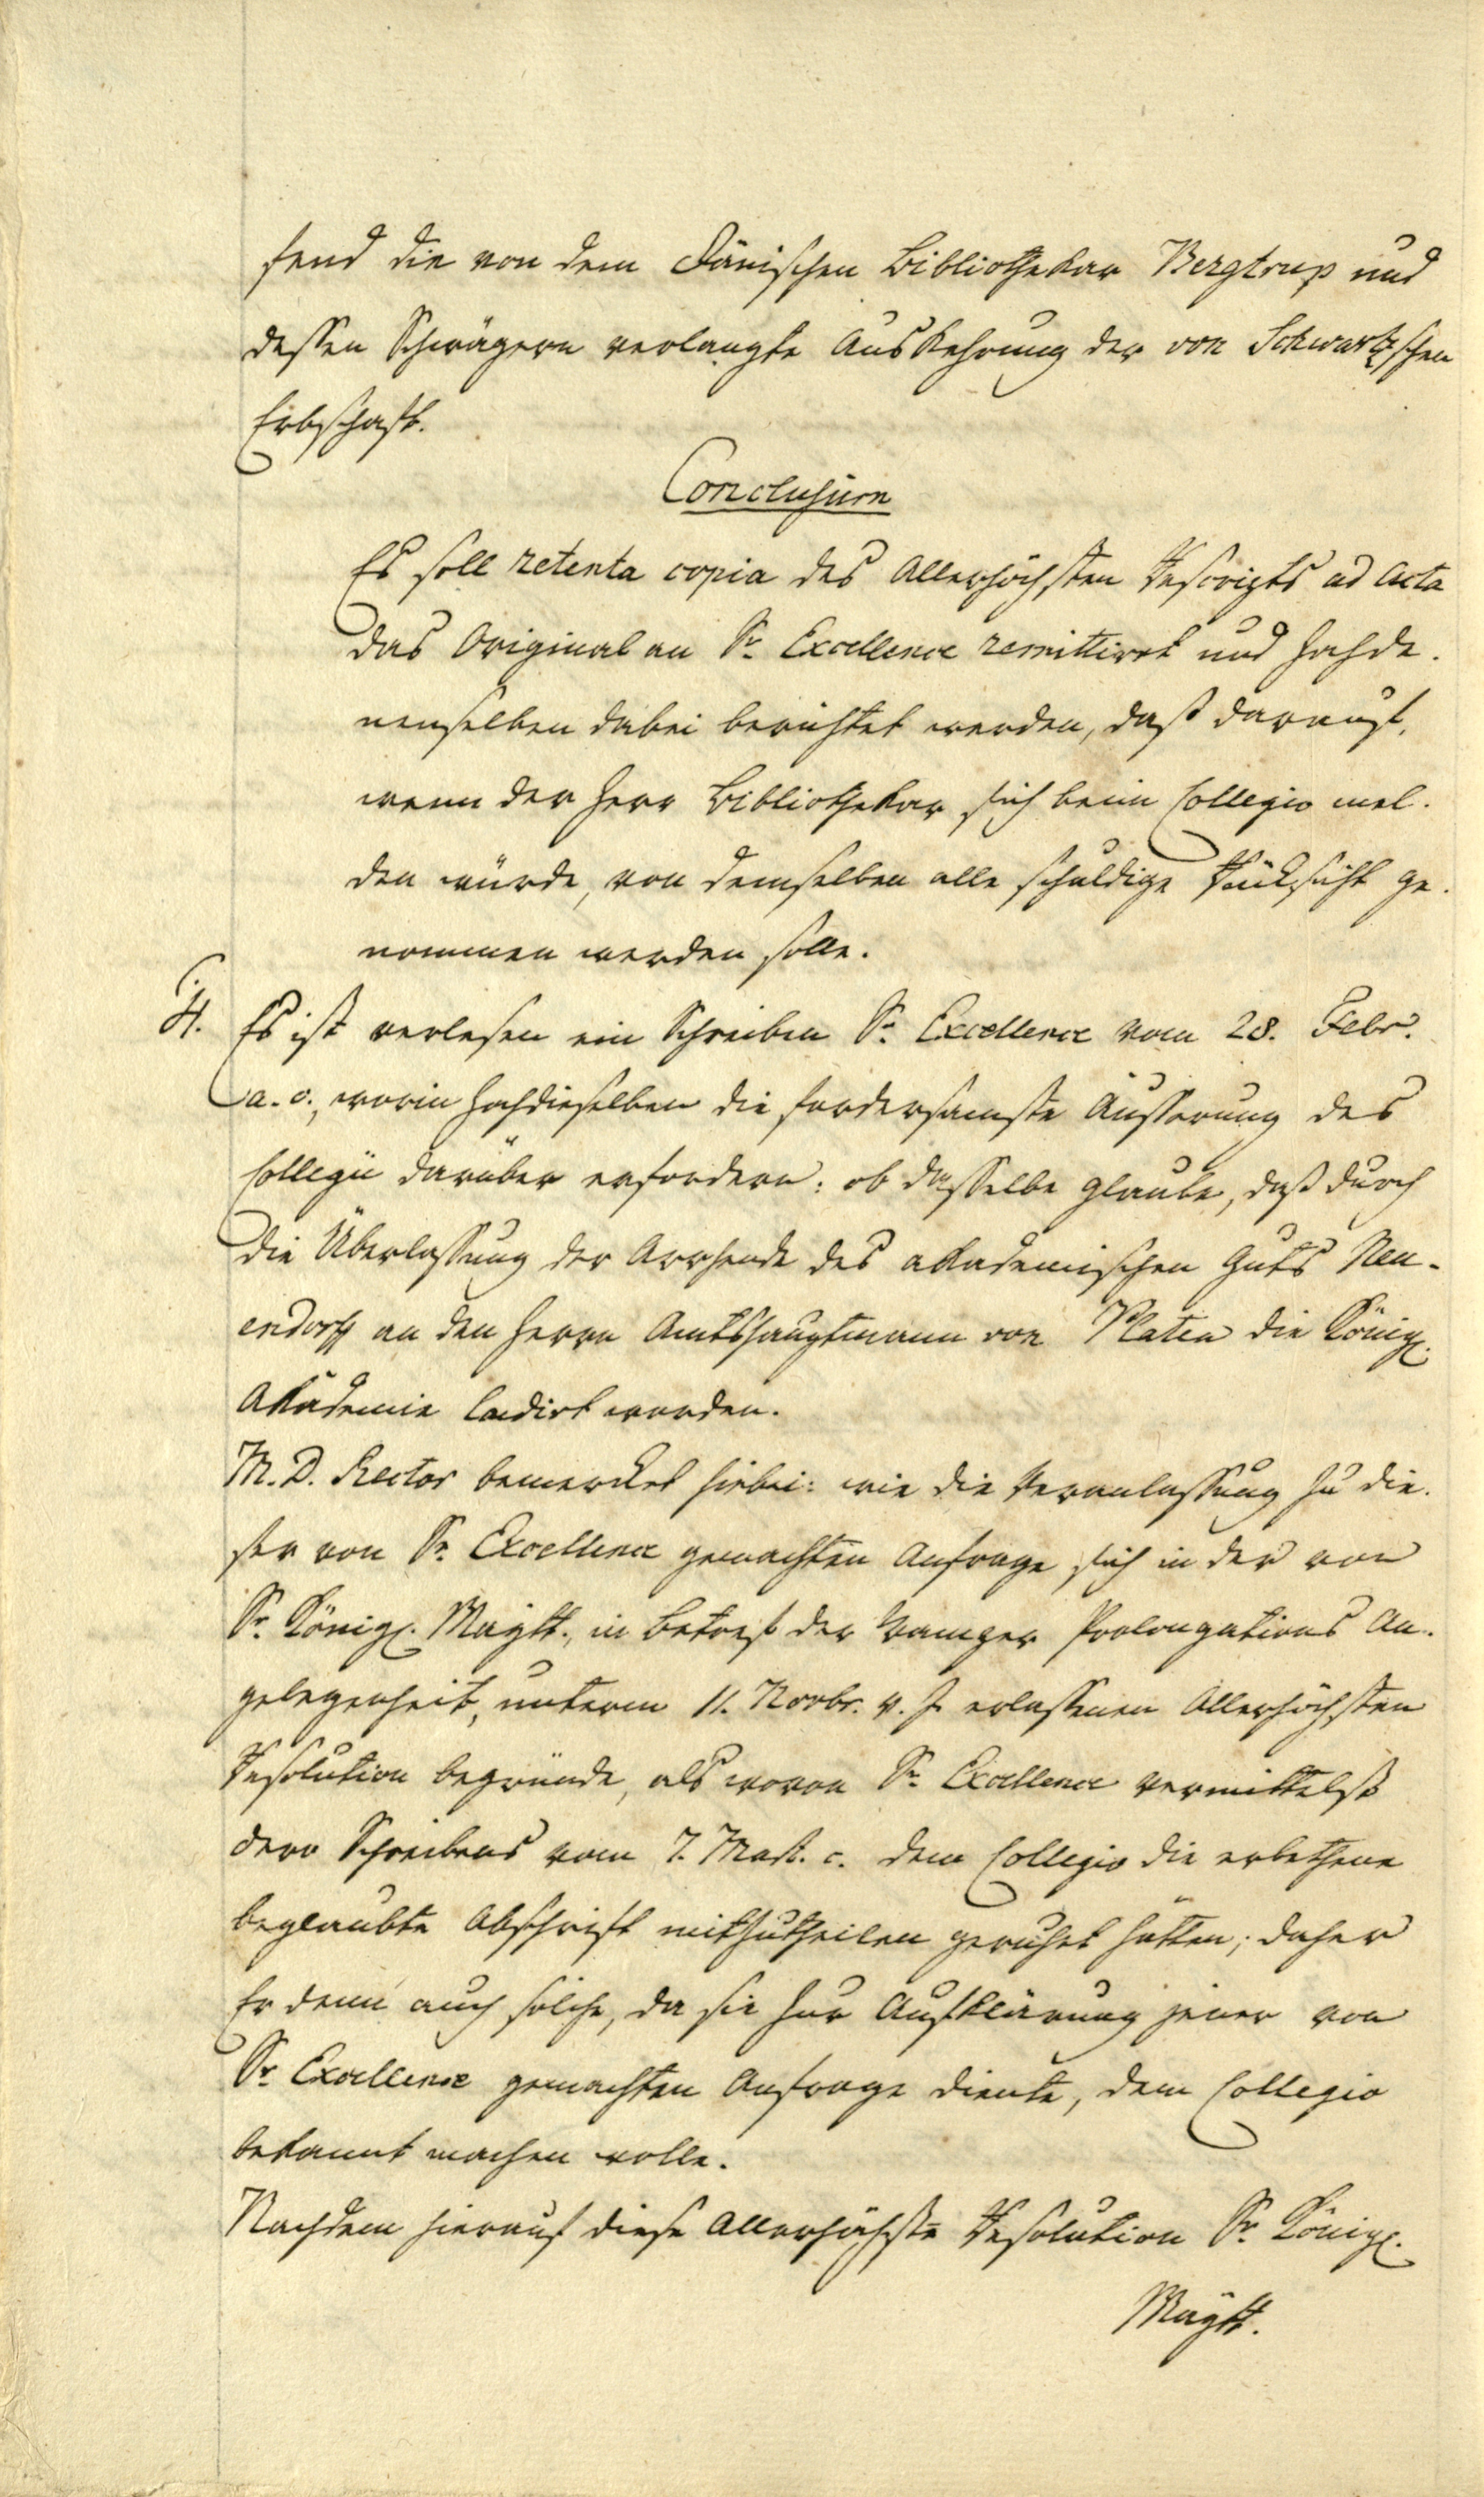fend die von dem Dänischen Bibliothekar Bergtrup und
dessen Schwägern verlangte Auskehrung der von Schwartzschen
Erbschaft.
Conclusum
Es soll retenta copia des Allerhöchsten Rescripts ad Acta
das Original an Sr Excellence remittiret und Hochde¬
nenselben dabei berichtet werden, daß darauf,
wenn der Herr Bibliothekar sich beim Collegio mel¬
den würde, von demselben alle schuldige Rücksicht ge¬
nommen werden solle.
4. Es ist verlesen ein Schreiben Sr. Excellence vom 28. Febr.
a. o., worin Hochdieselben die fordersamste Äusserung des
Collegii darüber erfordern: ob dasselbe glaube, daß durch
die Überlassung der Arrhende des akademischen Guts Neu¬
endorff an den Herrn Amtshauptmann von Platen die Königl.,
Akademie laedirt worden.
M. D. Rector bemercket hiebei: wie die Veranlassung zu die¬
ser von Sr Excellence gemachten Anfrage sich in der von
Sr Königl. Maÿtt., in Betref der Wamper Prolongations An¬
gelegenheit, unterm 11. Novbr. v. J. erlassenen Allerhöchsten
Resolution begründe, als wovon Sr Excellence vermittelst
dero Schreibens vom /. Mart. c. dem Collegio die erbethene
beglaubte Abschrift mitzutheilen geruhet hätten, daher
Er denn auch solche, da sie zur Aufklärung jener von
Sr Excellence gemachten Anfrage diente, dem Collegio
bekannt machen wolle.
Nachdem hierauf diese Allerhöchste Resolution Sr Königl.
Maÿtt.